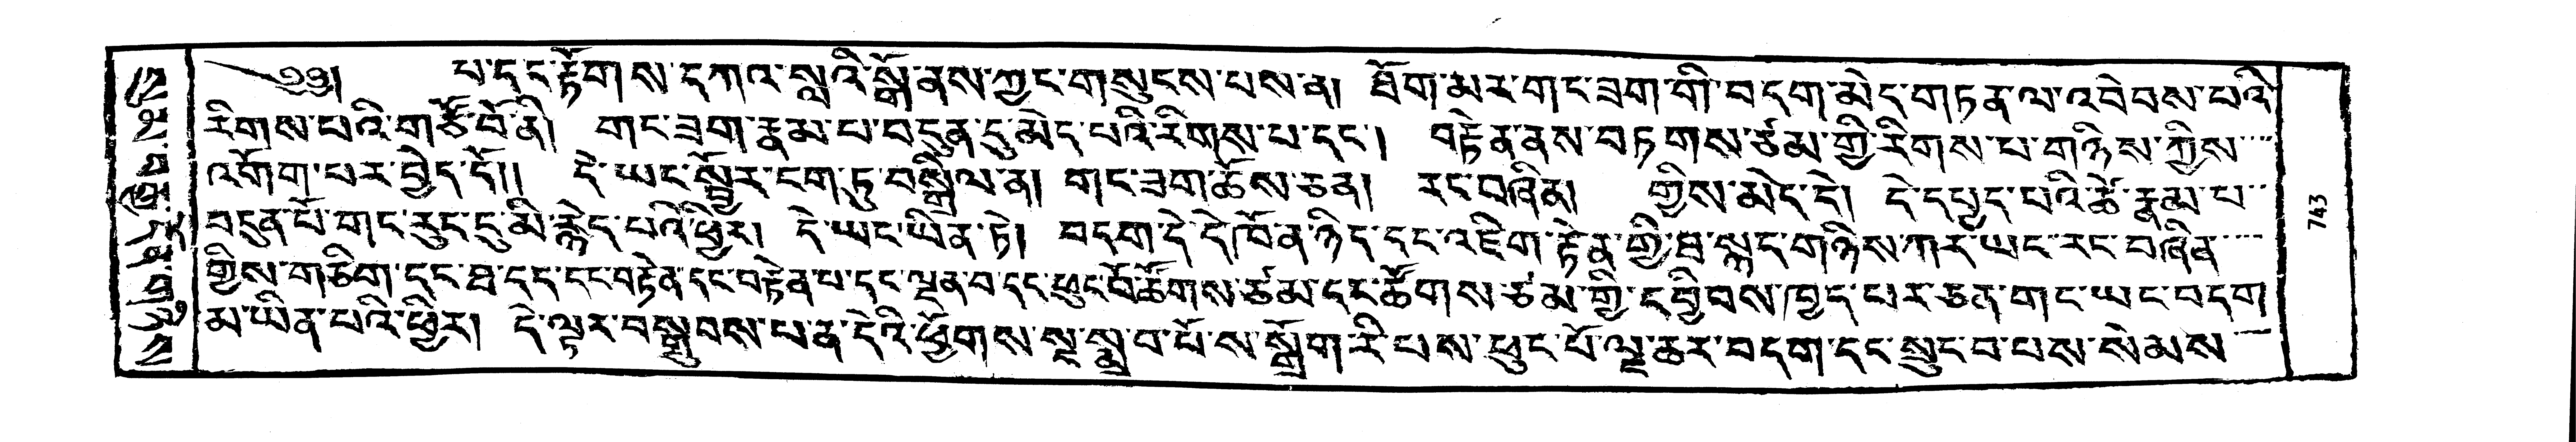༄༅། །པ་དང་རྟོགས་དཀའ་སླའི་སྒོ་ནས་ཀྱང་གསུངས་པས་ན། ཐོག་མར་གང་ཟག་གི་བདག་མེད་གཏན་ལ་འབེབས་པའི་
རིགས་པའི་གཙོ་བོ་ནི། གང་ཟག་རྣམ་པ་བདུན་དུ་མེད་པའི་རིགས་པ་དང་། བརྟེན་ནས་བཏགས་ཙམ་གྱི་རིགས་པ་གཉིས་ཀྱིས་
འགོག་པར་བྱེད་དོ། །དེ་ཡང་སྦྱོར་ངག་ཏུ་བསྒྲིལ་ན། གང་ཟག་ཆོས་ཅན། རང་བཞིན། གྱིས་མེད་དེ། དེ་དཔྱད་པའི་ཚེ་རྣམ་པ་
བདུན་པོ་གང་རུང་དུ་མི་རྙེད་པའི་ཕྱིར། དེ་ཡང་ཡིན་ཏེ། བདག་དེ་དེ་ཁོ་ན་ཉིད་དང་འཇིག་རྟེན་གྱི་ཐ་སྙད་གཉིས་ཀར་ཡང་རང་བཞིན་
གྱིས་གཅིག་དང་ཐ་དད་དང་བརྟེན་དང་བརྟེན་པ་དང་ལྡན་པ་དང་ཕུང་པོ་ཚོགས་ཙམ་དང་ཚོགས་ཙམ་གྱི་དབྱིབས་ཁྱད་པར་ཅན་གང་ཡང་བདག་
མ་ཡིན་པའི་ཕྱིར། དེ་ལྟར་བསྒྲུབས་པ་ན་དེའི་ཕྱོགས་སྔ་སྨྲ་བ་པོ་ས་སྒྲོག་རི་པས་ཕུང་པོ་ལྔ་ཆར་བདག་དང་སྲུང་བ་པས་སེམས་